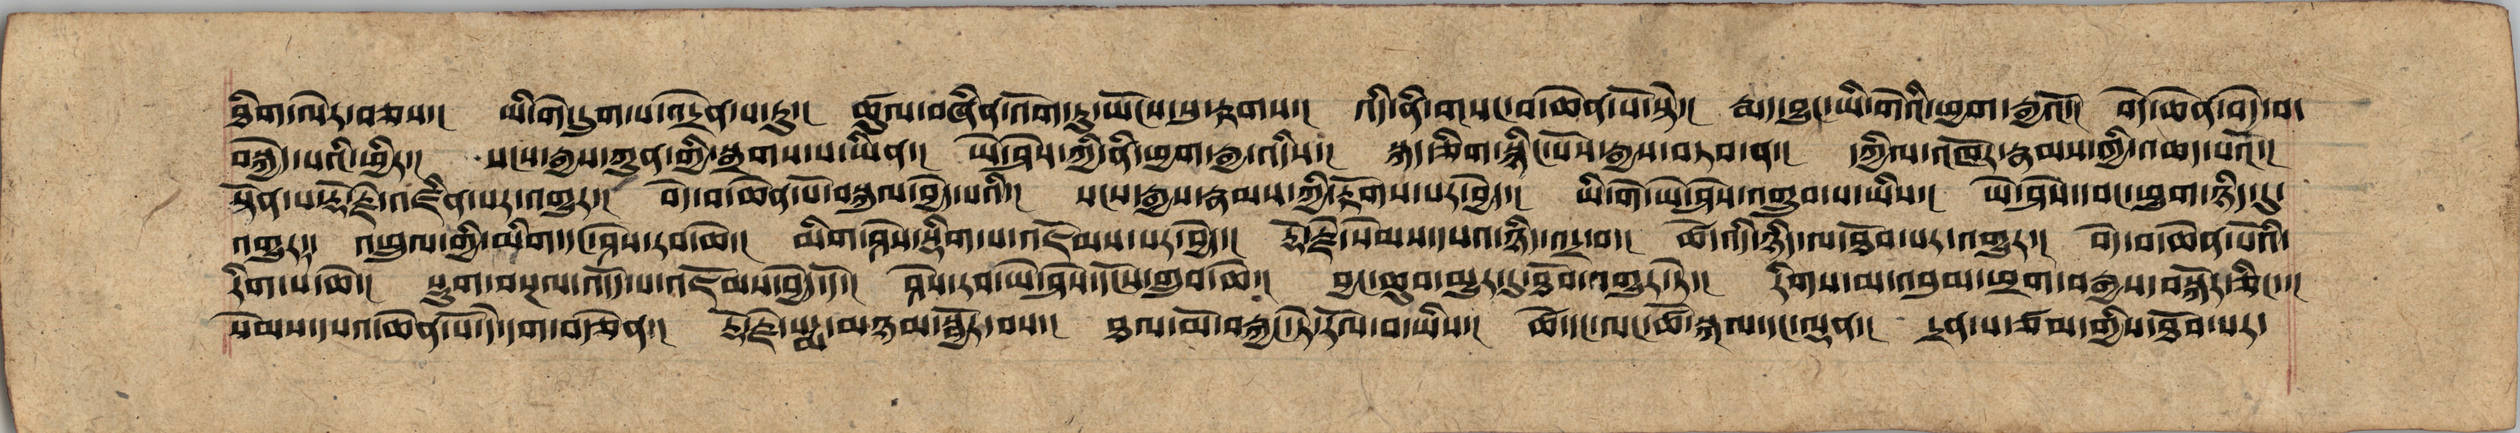ཐེག་ལེར་བཅས་། ཡི་གེ་དྲུག་པ་འདྲེན་པ་རུ་། ཚུལ་བཞིན་འོག་ཏུ་ཡོངས་སུ་རྟགས་། འདི་ནི་གསང་བ་ཆེན་པོ་སྟེ་། རྨད་བྱུང་ཡི་གེའི་ཕྱག་རྒྱའོ་། བདེ་ཆེན་བདེ་བ་
བསྐྱེད་པའི་ཕྱིར་། སངས་རྒྱས་ཀུན་གྱི་སྒྲགས་པ་ཡིན་། ཡེ་ཤེས་ཀྱི་ནི་ཕྱག་རྒྱ་འདིས་། སྐད་ཅིག་སྙིང་པོས་རྒྱས་བཏབ་ན་། དཀྱིལ་འཁོར་རྣམས་ཀྱི་འཆད་པའོ་།
སྟོན་པ་རྡོ་རྗེ་འཛིན་པར་འགྱུར་། བདེ་བ་ཆེན་པོ་བསྐུལ་བྱེད་པའི་། སངས་རྒྱས་རྣམས་ཀྱི་རྟོགས་པར་བྱེད་། ཡི་གེ་ཡེ་ཤེས་འགྲུབ་པ་ཡིས་། ཡེ་ཤེས་དབང་ཕྱུག་ཉིད་དུ་
འགྱུར་། འཕྲུལ་གྱི་མིག་དང་ཤེས་རབ་ཆེ་། མིག་ཤེས་སྡིག་པ་འཇོམས་པར་བྱེད་། རྡོ་རྗེ་སེམས་དཔའ་ཉིད་འདྲ་བ་། ཚེ་འདི་ཉིད་ལ་ཐོབ་པར་འགྱུར་། བདེ་བ་ཆེན་པོའི་
རིག་པ་ཆེ་། སྡུག་བསྔལ་འདོད་པ་འཇོམས་བྱེད་དོ་། ཤེས་རབ་ཡེ་ཤེས་དངོས་གྲུབ་ཆེ་། བྱང་ཆུབ་མྱུར་དུ་ཐོབ་འགྱུར་ཏེ་། རིགས་མ་འབུམ་ཕྲག་བརྒྱས་བསྐོར་ཅིང་་།
སེམས་དཔའ་ཆེན་པོ་དེ་དག་བརྩོན་། རྡོ་རྗེ་པདྨ་མཉམ་སྦྱོར་བས་། ཐལ་མོ་བརྐྱང་ཏེ་རོལ་བ་ཡིས་། ཚེ་དང་ལང་ཚོ་སྐལ་དང་ལྡན་། དྲན་པ་ཙམ་གྱིས་ཐོབ་པར་